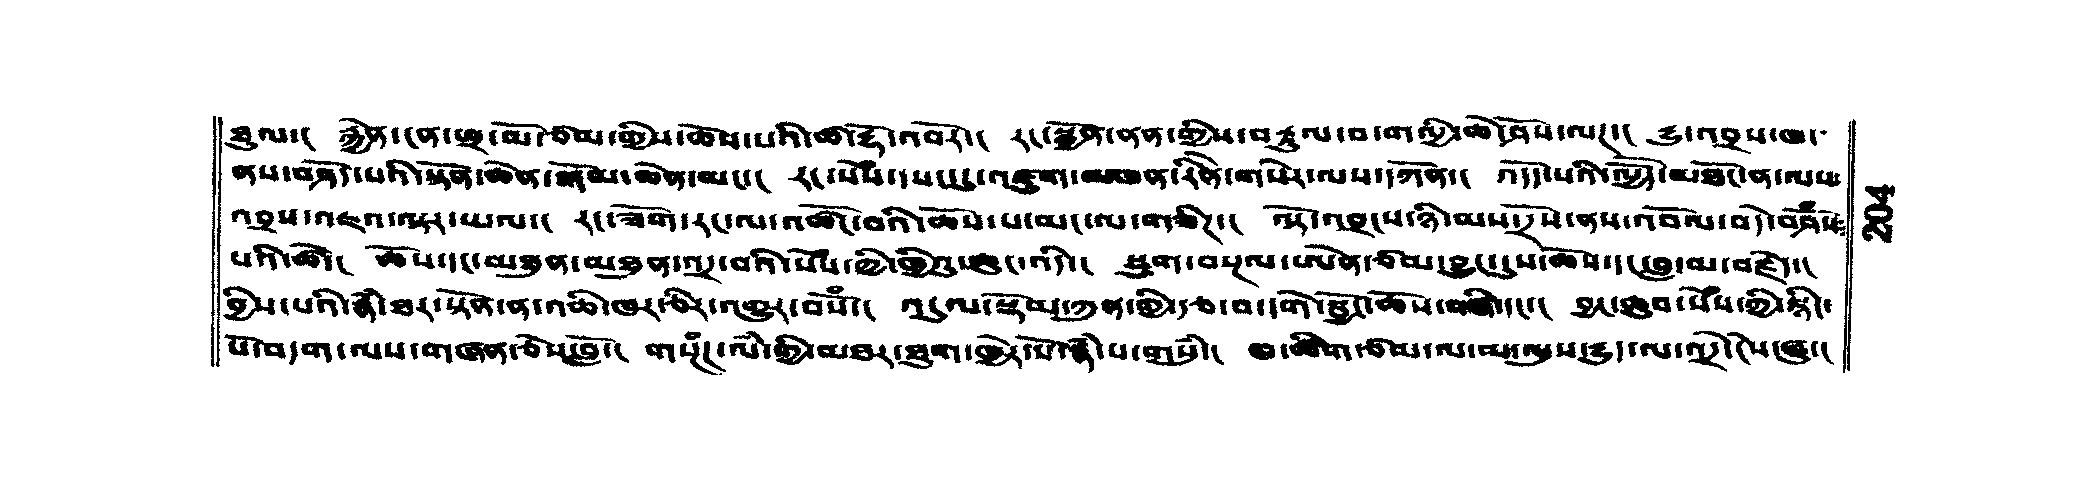ཐུལ། །རྐྱེན་ངན་ཕྲ་མོ་ཙམ་གྱིས་ཆོས་པའི་ཚ་རྡོ་འབོར། །རང་སྐྱོན་ནན་གྱིས་བརྟུལ་བ་གལ་གྱི་ཆེ་ཤོས་ལགས། །རྒྱུ་འབྲས་ཁ་
ནས་བཤད་པའི་སྟོན་ཆེན་སྒོམ་ཆེ་མང་། །རང་སེམས་དཔང་དུ་འཛུག་མཁན་རིན་ཆེན་གསེར་ལས་དཀོན། །འདོད་པའི་ལོངས་སྤྱོད་མཐོང་ན་ལས་
འབྲས་འཇའ་ལྟར་ཡལ། །རང་ཟོག་རང་ལ་འཚོང་བའི་ཆོས་པ་མང་ལ་གཟིགས། །ལྟོ་འབྲངས་ཉི་མས་དྲོས་ནས་འབོལ་བདེ་བཤོམས་
པའི་ཚེ། །ཆོས་དང་མཐུན་མཐུན་འདྲ་བའི་སེམས་ཀྱི་ཁྱེའུ་ཆུང་འདི། །སྡུག་བསྔལ་ཨེན་ཙམ་བྱུང་དུས་ཆོས་དང་བླ་མ་བརྗེད། །
བྱིས་པའི་རྣམ་ཐར་སྟོན་ན་འཆི་ཁར་ཅིར་འགྱུར་བསོམ། །འདུལ་སྡོམ་ཀུན་གྱི་རྩ་བ་དགེ་སྦྱོང་ཆོས་བཞི་དང་། །བྱང་ཆུབ་སེམས་གྱི་སྙིང་
པོ་བདག་ལས་གཞན་ཅེས་བློ། །གསང་སྔགས་ལམ་གྱི་མཐར་ཐུག་ཁྱེར་སོ་རྣམ་པ་གསུམ། །ཁ་ཚིག་ཙམ་ལས་མ་ལུས་རྒྱུད་ལ་འདྲེས་ངེས་ཞུ།